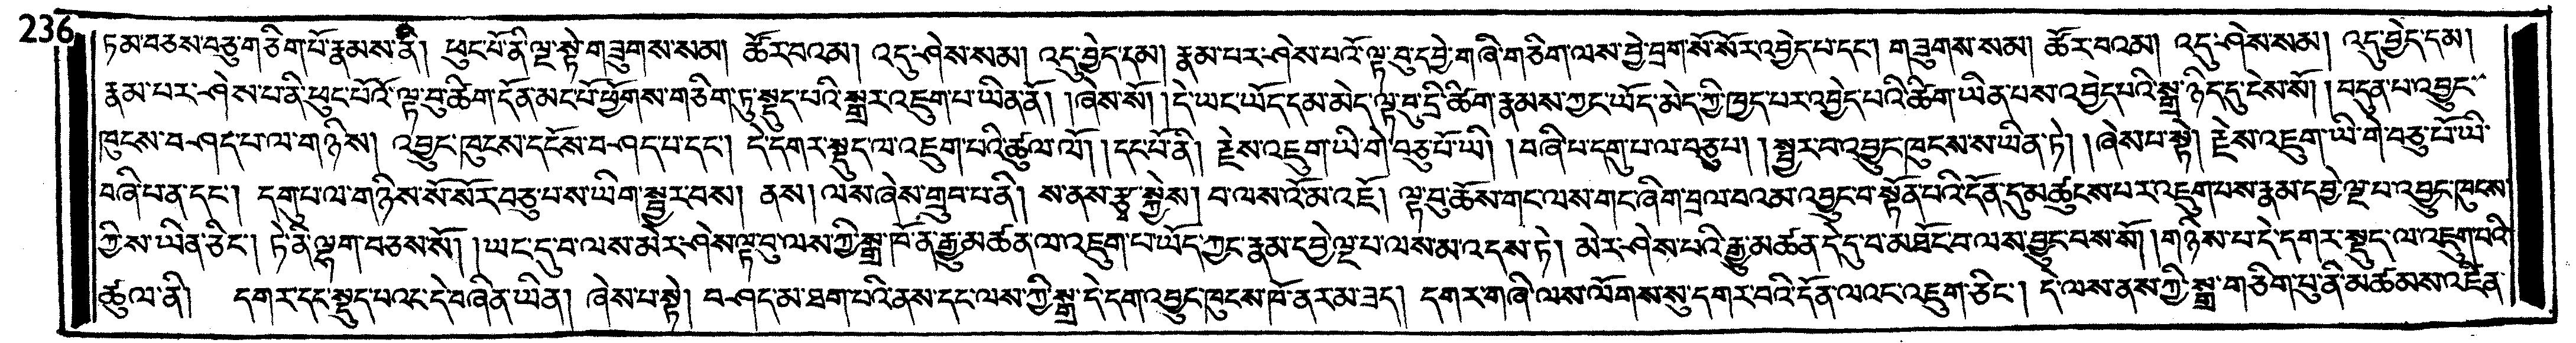ཏམ་བཅས་བཅུ་གཅིག་པོ་རྣམས་ནི། ཕུང་པོ་ནི་ལྔ་སྟེ་གཟུགས་སམ། ཚོར་བའམ། འདུ་ཤེས་སམ། འདུ་བྱེད་དམ། རྣམ་པར་ཤེས་པའོ་ལྟ་བུ་དབྱེ་གཞི་གཅིག་ལས་བྱེ་བྲག་སོ་སོར་འབྱེད་པ་དང་། གཟུགས་སམ། ཚོར་བའམ། འདུ་ཤེས་སམ། འདུ་བྱེད་དམ།
རྣམ་པར་ཤེས་པ་ནི་ཕུང་པོའོ་ལྟ་བུ་ཚིག་དོན་མང་པོ་ཕྱོགས་གཅིག་ཏུ་སྡུད་པའི་སྒྲར་འཇུག་པ་ཡིན་ནོ། །ཞེས་སོ། །དེ་ཡང་ཡོད་དམ་མེད་ལྟ་བུ་དྲི་ཚིག་རྣམས་ཀྱང་ཡོད་མེད་ཀྱི་ཁྱད་པར་འབྱེད་པའི་ཚིག་ཡིན་པས་འབྱེད་པའི་སྒྲ་ཉིད་དུ་ངེས་སོ། །བདུན་པ་འབྱུང་
ཁུངས་བཤད་པ་ལ་གཉིས། འབྱུང་ཁུངས་དངོས་བཤད་པ་དང་། དེ་དགར་སྡུད་ལ་འཇུག་པའི་ཚུལ་ལོ། །དང་པོ་ནི། རྗེས་འཇུག་ཡི་གེ་བཅུ་པོ་ཡི། །བཞི་པ་དགུ་པ་ལ་བཅུ་པ། །སྦྱར་བ་འབྱུང་ཁུངས་ས་ཡིན་ཏེ། །ཞེས་པ་སྟེ། རྗེས་འཇུག་ཡི་གེ་བཅུ་པོ་ཡི་བཞི་པ་ན་དང་། དགུ་
པ་ལ་གཉིས་སོ་སོར་བཅུ་པ་ས་ཡིག་སྦྱར་བས། ནས། ལས་ཞེས་གྲུབ་པ་ནི། ས་ནས་རྩྭ་སྐྱེས་།བ་ལས་འོ་མ་འཇོ། ལྟ་བུ་ཆོས་གང་ལས་གང་ཞིག་བྲལ་བའམ་འབྱུང་བ་སྟོན་པའི་དོན་དུ་མཚུངས་པར་འཇུག་པས་རྣམ་དབྱེ་ལྔ་པ་འབྱུང་ཁུངས་
ཀྱི་ས་ཡིན་ཅིང་། ཏེ་ནི་ལྷག་བཅས་སོ། །ཡང་དུ་བ་ལས་མེར་ཤེས་ལྟ་བུ་ལས་ཀྱི་སྒྲ་ཁོ་ན་རྒྱུ་མཚན་ལ་འཇུག་པ་ཡོད་ཀྱང་རྣམ་དབྱེ་ལྔ་པ་ལས་མ་འདས་ཏེ། མེར་ཤེས་པའི་རྒྱུ་མཚན་དེ་དུ་བ་མཐོང་བ་ལས་བྱུང་བས་སོ། །གཉིས་པ་དེ་དགར་སྡུད་ལ་འཇུག་པའི་
ཚུལ་ནི། དགར་དང་སྡུད་པའང་དེ་བཞིན་ཡིན། ཞེས་པ་སྟེ། བཤད་མ་ཐག་པའི་ནས་དང་ལས་ཀྱི་སྒྲ་དེ་དག་འབྱུང་ཁུངས་ཁོ་ནར་མ་ཟད། དགར་གཞི་ལས་ལོགས་སུ་དགར་བའི་དོན་ལའང་འཇུག་ཅིང་། དེ་ལས་ནས་ཀྱི་སྒྲ་གཅིག་པུ་ནི་མཚམས་འཛིན་